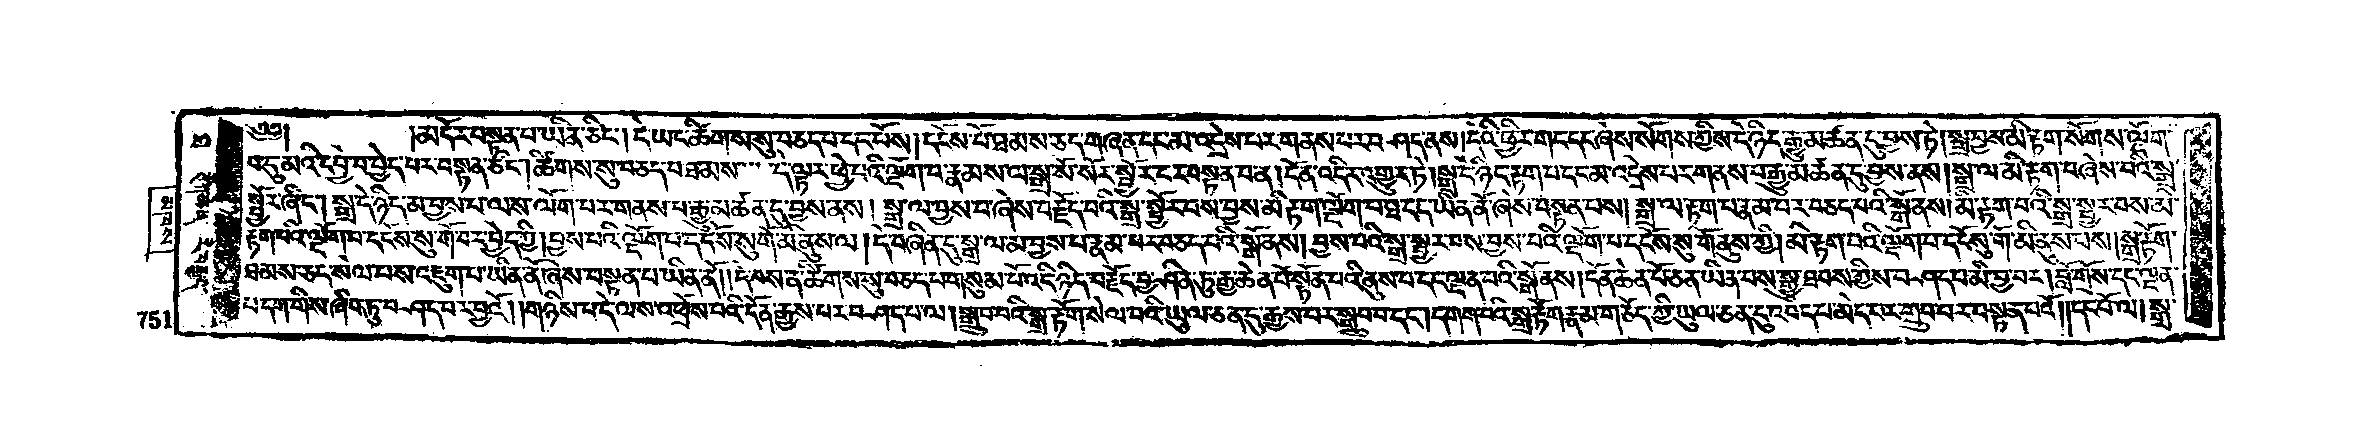༄༅། །མདོར་བསྟན་པ་ཡིན་ཅིང་། དེ་ཡང་ཚིགས་སུ་བཅད་པ་དང་པོས། དངོས་པོ་ཐམས་ཅད་གཞན་དང་མ་འདྲེས་པར་གནས་པར་བཤད་ནས། དེའི་ཕྱིར་གང་དང་ཞེས་སོགས་ཀྱིས་དེ་ཉིད་རྒྱུ་མཚན་དུ་བྱས་ཏེ། སྒྲ་བྱས་མི་རྟག་སོགས་ལྡོག་
བ་དུ་མའི་དབྱེ་བ་བྱེད་པར་བསྟན་ཅིང་། ཚིགས་སུ་བཅད་པ་ཐམས་ཅད་དེ་ལྟར་ཕྱེ་བའི་ལྡོག་པ་རྣམས་ལ་སྒྲ་སོ་སོར་སྦྱོར་བར་བསྟན་པ་ན། དོན་འདིར་འགྱུར་ཏེ། སྒྲ་དེ་ཉིད་རྟག་པ་དང་མ་འདྲེས་པར་གནས་པ་རྒྱུ་མཚན་དུ་བྱས་ནས། སྒྲ་ལ་མི་རྟག་པ་ཞེས་བའི་སྒྲ་
སྦྱོར་ཞིང་། སྒྲ་དེ་ཉིད་མ་བྱས་པ་ལས་ལོག་པར་གནས་པ་རྒྱུ་མཚན་དུ་བྱས་ནས། སྒྲ་ལ་བྱས་པ་ཞེས་བརྗོད་པའི་སྒྲ་སྦྱོར་བས་བྱས་མི་རྟག་ལྡོག་པ་ཐ་དད་ཡིན་ནོ་ཞེས་བསྟན་པས། སྒྲ་ལ་རྟག་པ་རྣམ་པར་བཅད་པའི་སྒོ་ནས། མི་རྟག་པའི་སྒྲ་སྦྱར་བས་མི་
རྟག་པའི་ལྡོག་པ་དངོས་སུ་གོ་བར་བྱེད་ཀྱི། བྱས་པའི་ལྡོག་པ་དངོས་སུ་གོ་མི་ནུས་ལ། དེ་བཞིན་དུ་སྒྲ་ལ་མ་བྱས་པ་རྣམ་པར་བཅད་པའི་སྒོ་ནས། བྱས་པའི་སྒྲ་སྦྱར་བས་བྱས་པའི་ལྡོག་པ་དངོས་སུ་གོ་ནུས་ཀྱི། མི་རྟག་པའི་ལྡོག་པ་དངོས་སུ་གོ་མི་ནུས་པས། སྒྲ་རྟོག་
ཐམས་ཅད་སེལ་པས་འཇུག་པ་ཡིན་ནོ་ཞེས་བསྟན་པ་ཡིན་ནོ། །དེ་བས་ན་ཚིགས་སུ་བཅད་པ་གསུམ་པོ་འདི་ཉིད་བརྗོད་བྱ་ཤིན་ཏུ་རྒྱ་ཆེན་པོ་སྟོན་པའི་ནུས་པ་དང་ལྡན་པའི་སྒོ་ནས། དོན་ཆེན་པོ་ཅན་ཡིན་པས་སྒྱུ་ཐབས་ཀྱིས་བཤད་པ་མི་བྱ་བར། བློ་གྲོས་དང་ལྡན་
པ་དག་གིས་ཞིབ་ཏུ་བཤད་པར་བྱའོ། །གཉིས་པ་དེ་ལས་འཕྲོས་པའི་དོན་རྒྱས་པར་བཤད་པ་ལ། སྒྲུབ་པའི་སྒྲ་རྟོག་སེལ་བའི་ཡུལ་ཅན་དུ་རྒྱས་པར་སྒྲུབ་པ་དང་། དགག་པའི་སྒྲ་རྟོག་རྣམ་གཅོད་ཀྱི་ཡུལ་ཅན་དུ་འབད་པ་མེད་པར་གྲུབ་པར་བསྟན་པའོ། །དང་པོ་ལ། སྒྲ་